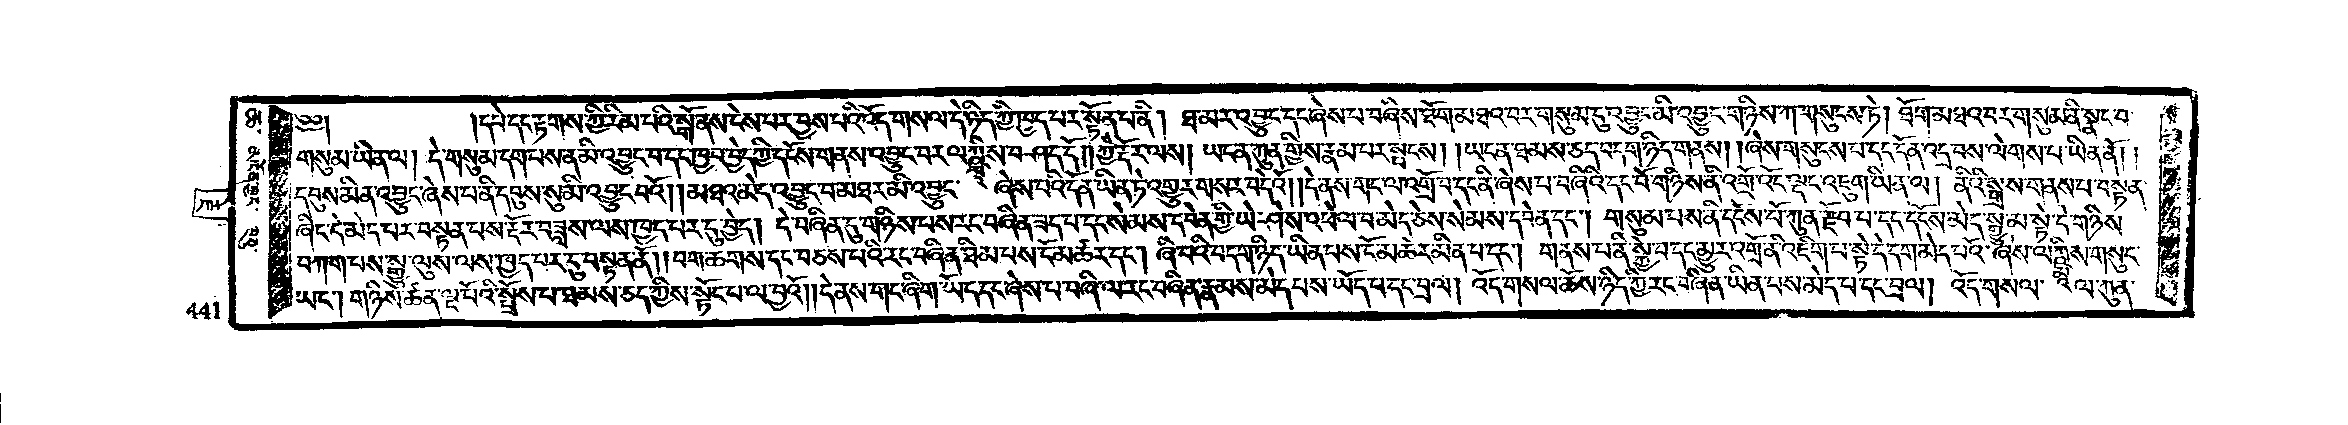༄༅། །དཔེ་དང་རྟགས་ཀྱི་རིམ་པའི་སྒོ་ནས་ངེས་པར་བྱས་པའི་འོད་གསལ་དེ་ཉིད་ཀྱི་ཁྱད་པར་སྟོན་པ་ནི། ཐ་མར་འབྱུང་དང་ཞེས་པ་བཞིས་ཐོག་མཐའ་བར་གསུམ་དུ་འབྱུང་མི་འབྱུང་གཉིས་ཀ་གསུངས་ཏེ། ཐོག་མཐའ་བར་གསུམ་ནི་སྣང་བ་
གསུམ་ཡིན་ལ། དེ་གསུམ་དག་པས་ན་མི་འབྱུང་བ་དང་ཁྱབ་བྱེད་ཀྱི་དངོས་གནས་འབྱུང་བར་ལཀྵྨཱིས་བཤད་དོ། །ཀྱཻ་རྡོར་ལས། ཡང་ན་ཀུན་གྱིས་རྣམ་པར་སྤངས། །ཡང་ན་ཐམས་ཅད་བདག་ཉིད་གནས། །ཞེས་གསུངས་པ་དང་དོན་འདྲ་བས་ལེགས་པ་ཡིན་ནོ། །
དབུས་མིན་འབྱུང་ཞེས་པ་ནི་དབུས་སུ་མི་འབྱུང་བའོ། །མཐའ་མེད་འབྱུང་བ་མཐར་མི་འབྱུང་ཞེས་པའི་དོན་ཡིན་ཏེ་འགྱུར་གསར་བདེའོ། །དེ་ནས་གང་ལ་འགྲོ་བ་དང་ནི་ཞེས་པ་བཞིའི་དང་པོ་གཉིས་ནི་འགྲོ་འོང་ལྡང་འཇུག་ཡིན་ལ། ནིའི་སྒྲས་གནས་པ་བསྟན་
ཞིང་དེ་མེད་པར་བསྟན་པས་རྡོར་བཟླས་ལས་ཁྱད་པར་དུ་བྱེད། དེ་བཞིན་དུ་གཉིས་པས་རང་བཞིན་ཟད་པ་དང་སེམས་དབེན་གྱི་ཡེ་ཤེས་འཕེལ་བ་མེད་ཅེས་སེམས་དབེན་དང་། གསུམ་པས་ནི་དངོས་པོ་ཀུན་རྫོབ་པ་དང་དངོས་མེད་སྒྱུ་མ་སྟེ་དེ་གཉིས་
བཀག་པས་སྒྱུ་ལུས་ལས་ཁྱད་པར་དུ་བསྟན་ནོ། །བག་ཆགས་དང་བཅས་པའི་རང་བཞིན་ཐིམ་པས་ངོ་མཚར་དང་། ཞི་བའི་བདག་ཉིད་ཡིན་པས་ངོ་མཚར་མིན་པ་དང་། གནས་པ་ནི་སྐྱེ་བ་དང་མྱུར་འགྲོ་ནི་འཇིག་པ་སྟེ་དེ་དག་མེད་པའོ་ཞེས་ལཀྵྨཱིས་གསུང་
ཡང་། གཉིས་ཚན་ལྔ་པོའི་སྤྲོས་པ་ཐམས་ཅད་ཀྱིས་སྟོང་པ་ལ་བྱའོ། །དེ་ནས་གང་ཞིག་ཡོད་དང་ཞེས་པ་བཞི་ལ་རང་བཞིན་རྣམས་མེད་པས་ཡོད་པ་དང་བྲལ། འོད་གསལ་ཆོས་ཉིད་ཀྱི་རང་བཞིན་ཡིན་པས་མེད་པ་དང་བྲལ། འོད་གསལ་ལ་ཀུན་